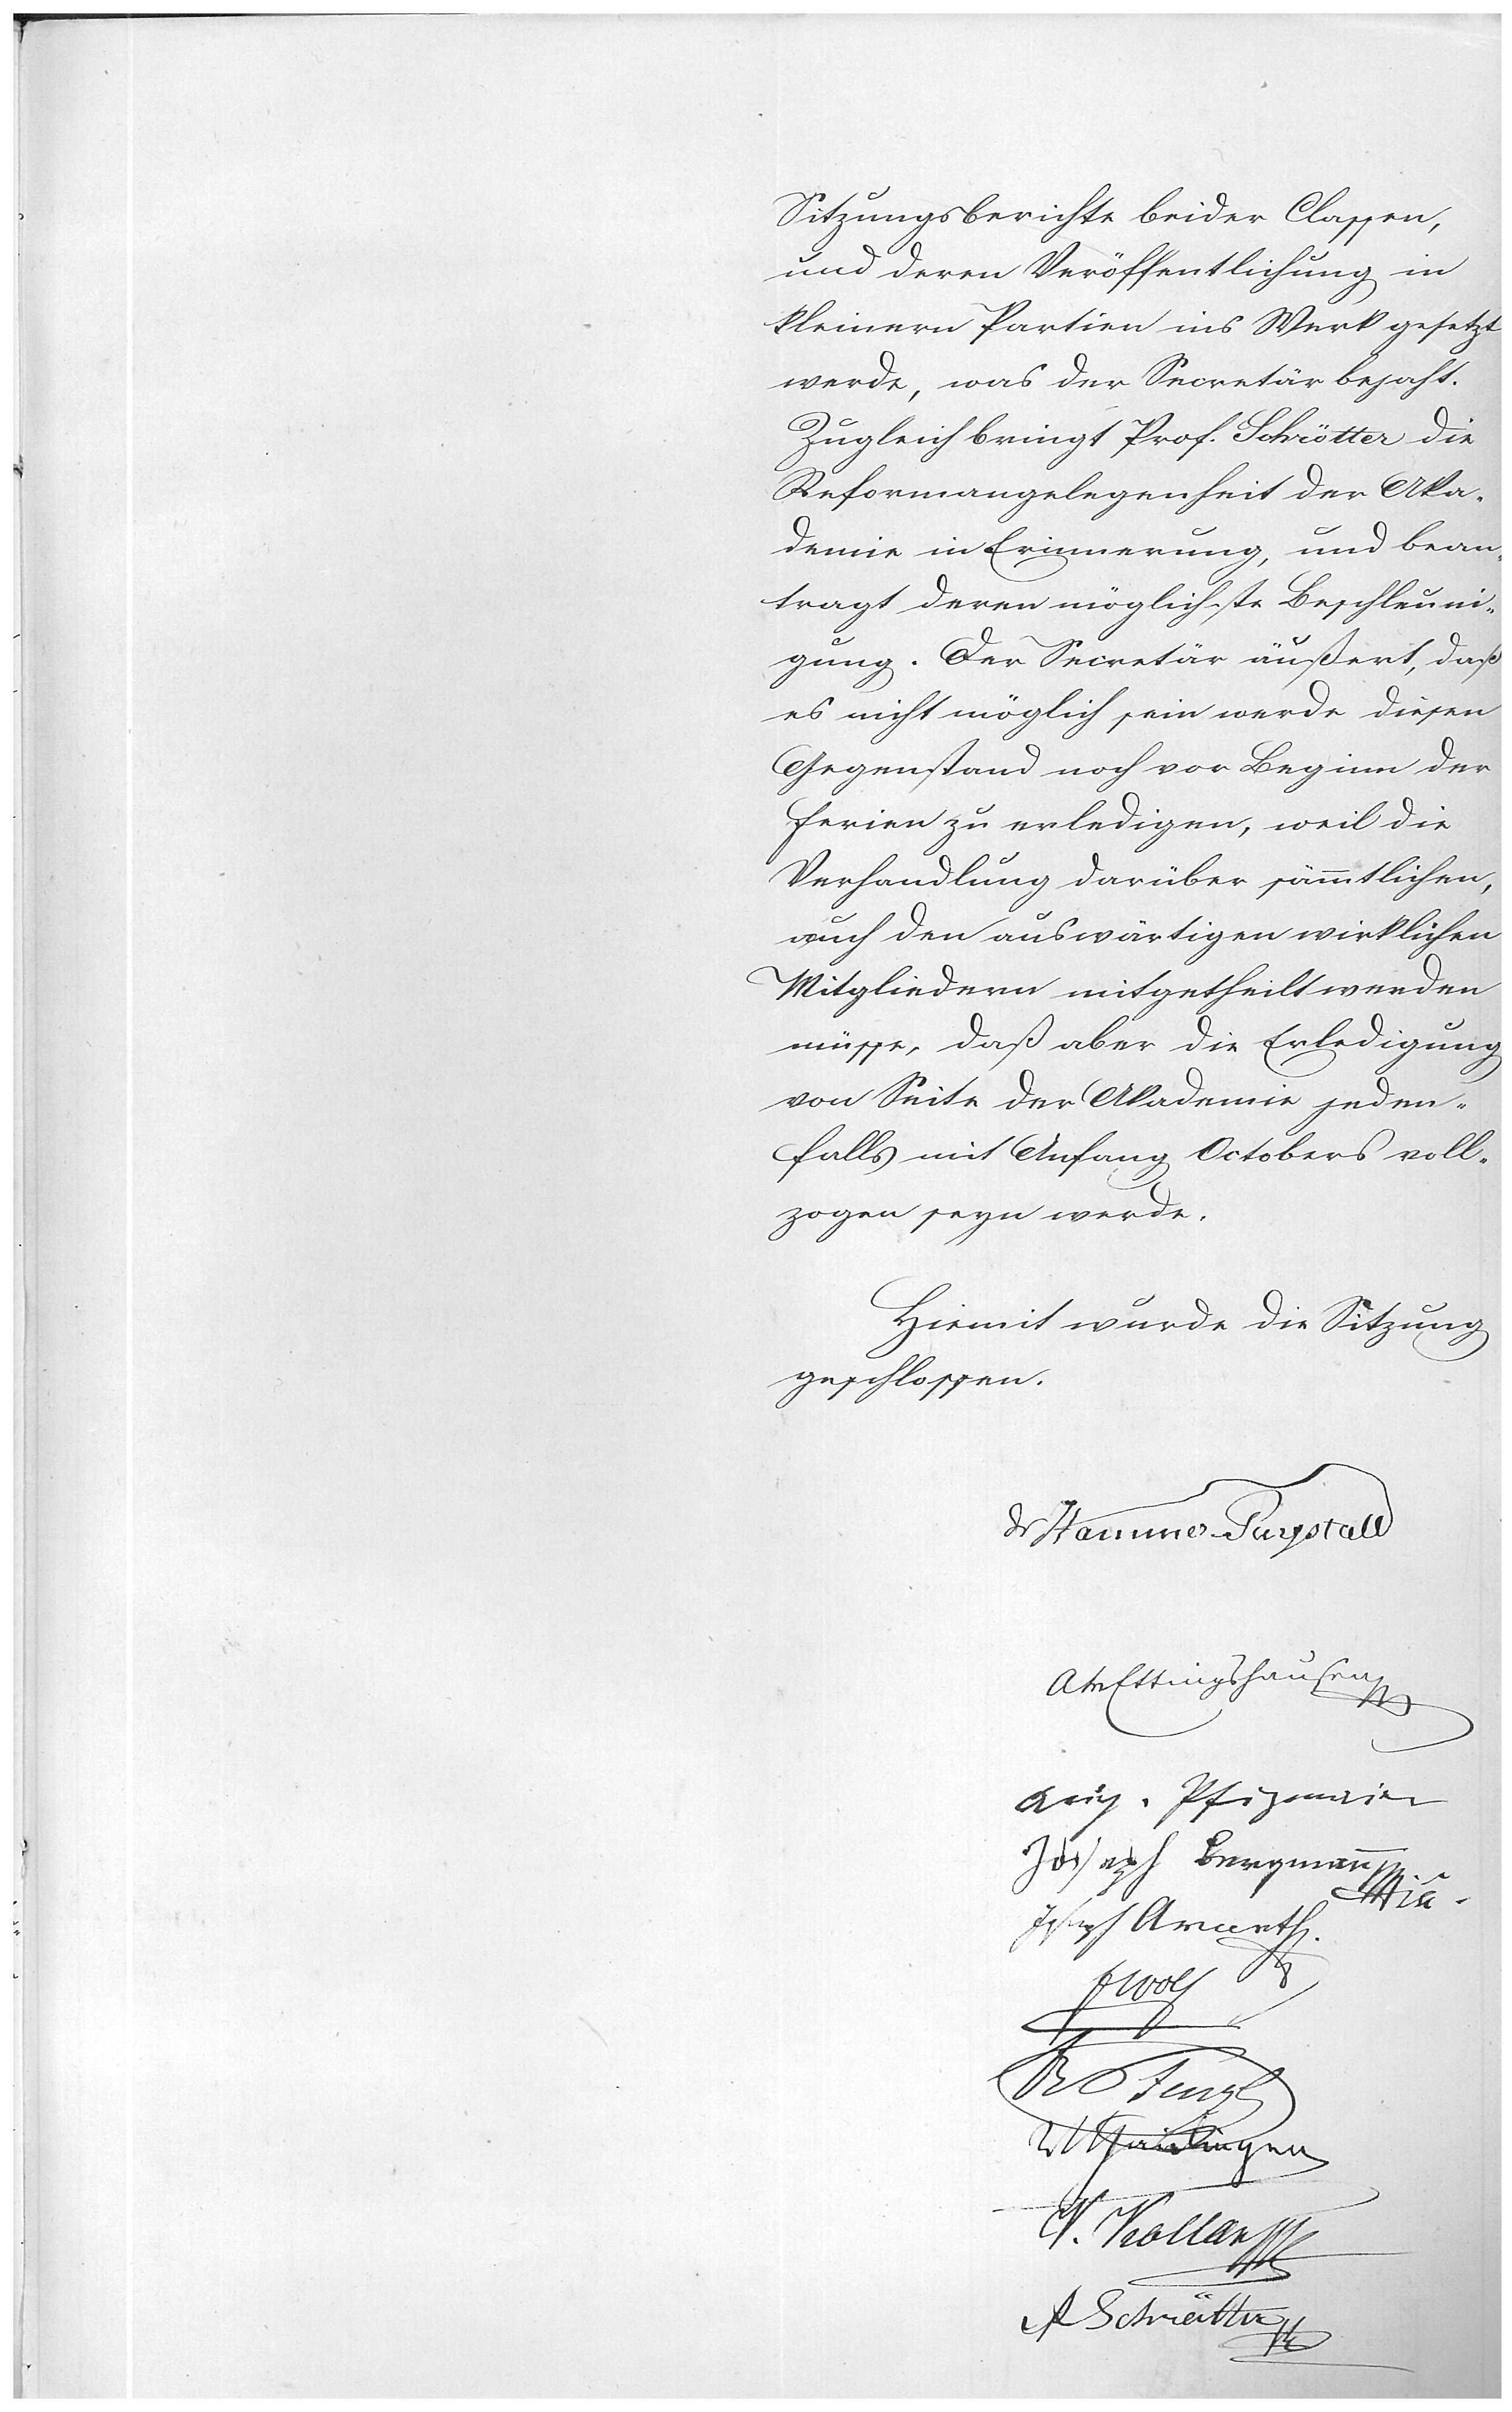Sitzungsberichte beider Classen,
und deren Veröffentlichung in
kleinern Partien in Werk gesetzt
werde, was der Secretär bejaht.
Zugleich bringt Prof. Schrötter die
Reformangelegenheit der Aka-
demie in Erinnerung, und bean-
tragt deren möglichste Beschleuni-
gung. Der Secretär äußert, daß
es nicht möglich sein werde diesen
Gegenstand noch vor Beginn der
Ferien zu erledigen, weil die
Verhandlung darüber sämmtlichen,
auch den auswärtigen wirklichen
Mitgliedern mitgetheilt werden
müsse, daß aber die Erledigung
von Seite der Akademie jeden-
falls mit Anfang Octobers voll-
zogen seyn werde.
Hiemit wurde die Sitzung
geschlossen.
Dr. Hammer Purgstall
AvEttingshausen
Aug. Pfizmaier
Joseph Bergmann
Joseph Arneth
FWolf
Ed. Fenzl
WHaidinger
V. Kollar
ASchrötter